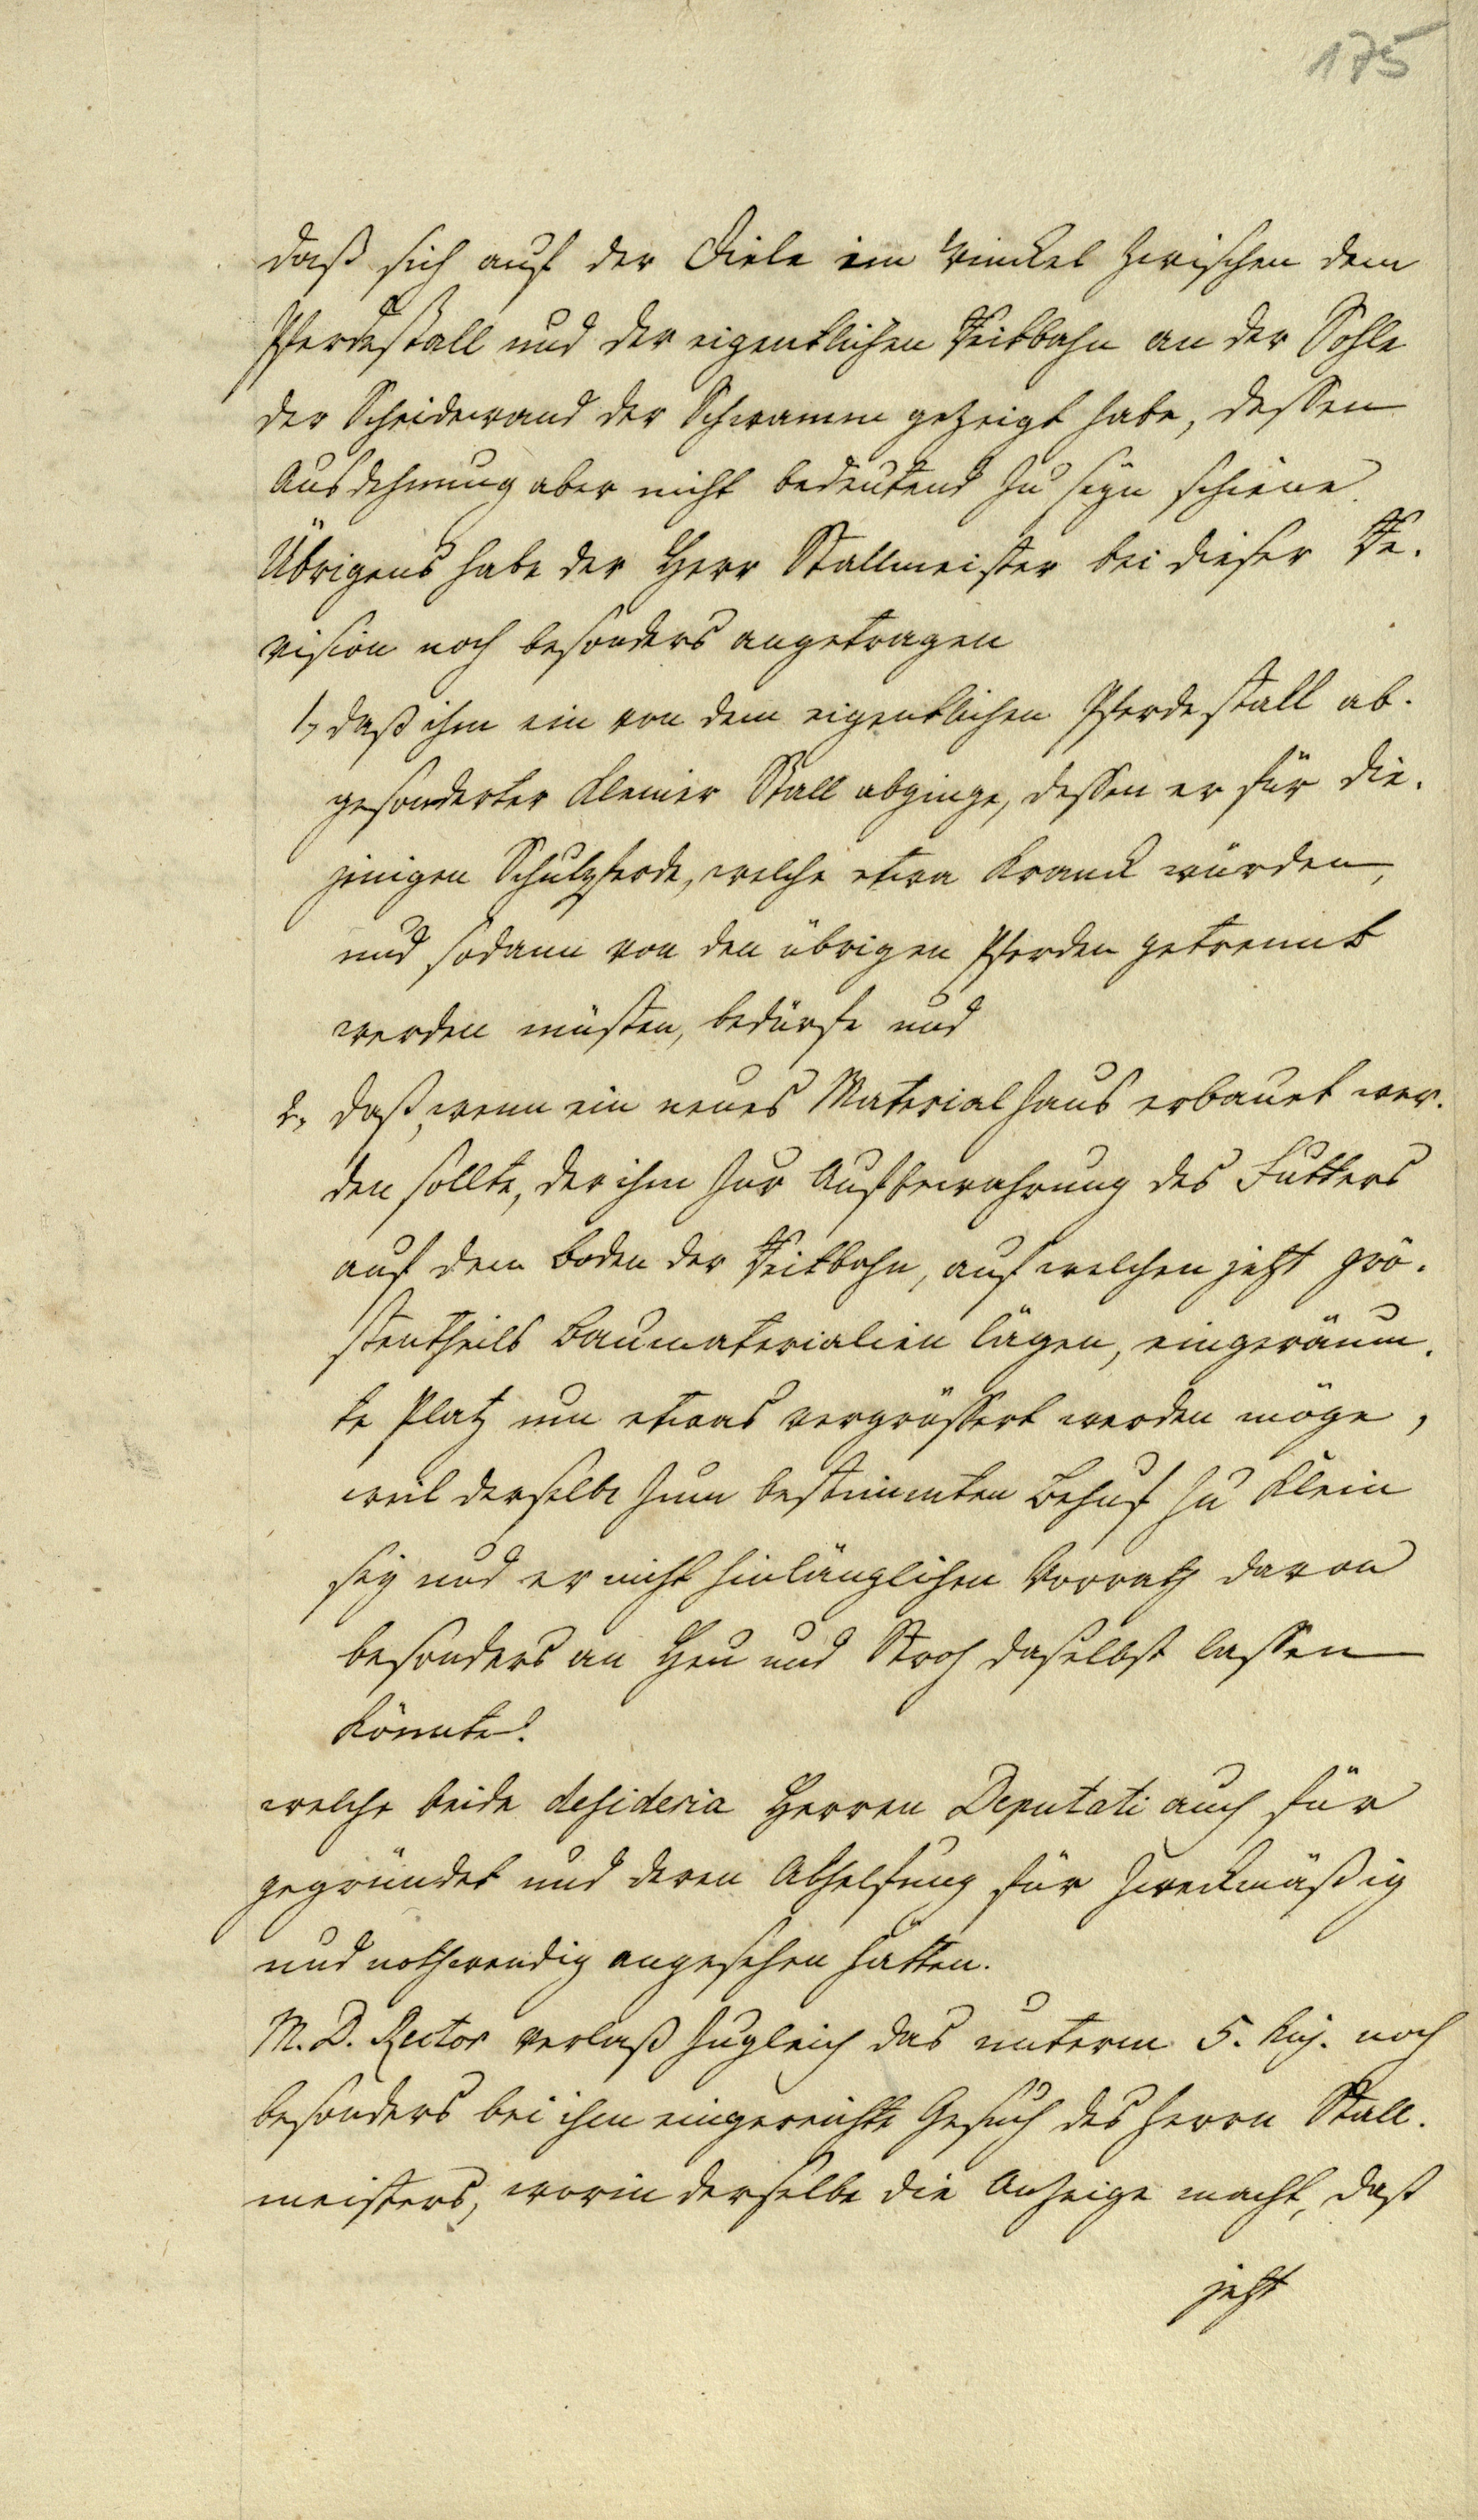daß sich auf der Diele im Winckel zwischen dem
Pferdestall und der eigentlichen Reitbahn an der Sohle
der Scheidewand der Schwamm gezeigt habe, dessen
Ausdehnung aber nicht bedeutend zu seÿn schiene.
Übrigens habe der Herr Stallmeister bei dieser Re¬
vision noch besonders angetragen
1., daß ihm ein von dem eigentlichen Pferdestall ab¬
gesonderter kleiner Stall abginge, dessen er für die¬
jenigen Schulpferde, welche etwa kranck würden
und sodann von den übrigen Pferden getrennt
werden müßten, bedürfe und
2, daß wenn ein neues Materialhaus erbauet wer¬
den sollte, der ihm zur Aufbewahrung des Futters
auf dem Boden der Reitbahn, auf welchen jetzt grö¬
stentheils Baumaterialien lägen, eingeräum¬
te Platz um etwas vergrössert werden möge,
weil derselbe zum bestimmten Behuf zu klein
seÿ und er nicht hinlänglichen Vorrath davon
besonders an Heu und Stroh daselbst lassen
könnte.
welche beide desideria Herren Deputati auch für
gegründet und deren Abhelfung für zweckmäßig
und nothwendig angesehen hätten.
M. D. Rector verlaß zugleich das unterm 5. huj. noch
besonders bei ihm eingereichte Gesuch des Herrn Stall¬
meisters, worin derselbe die Anzeige macht, daß
jetzt